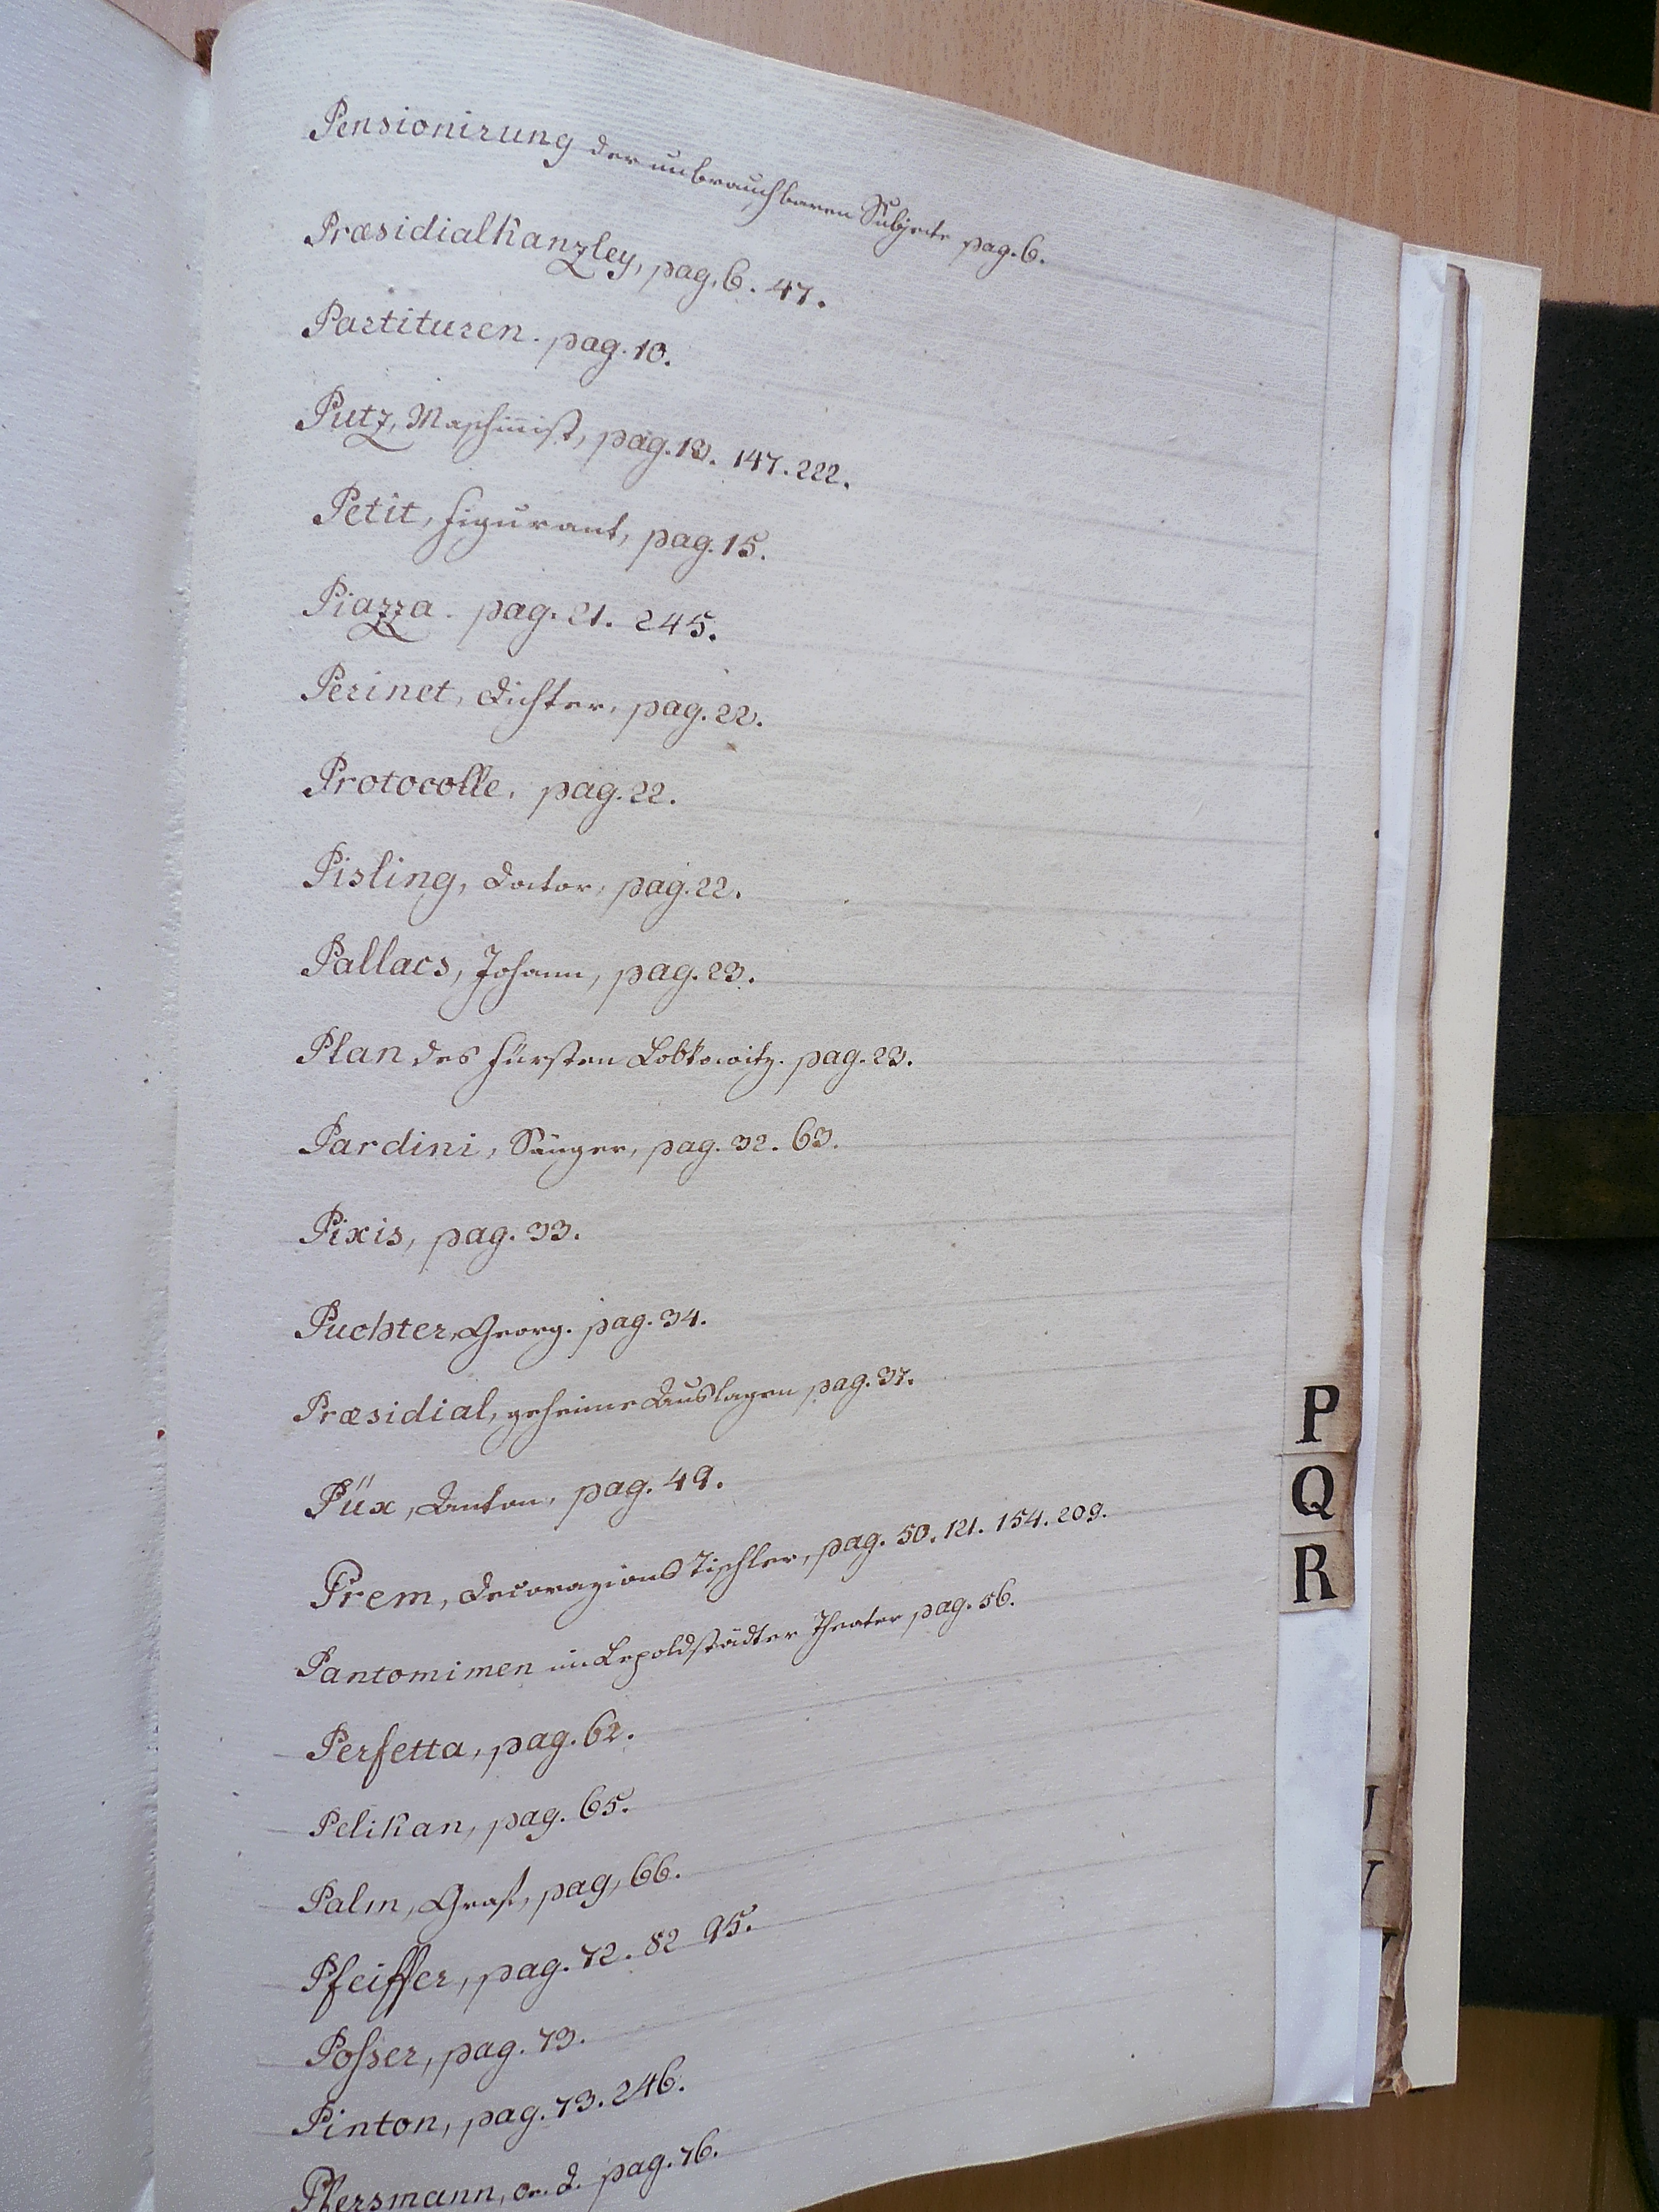P
Pensionirung der unbrauchbaren Subjecte pag. 6.
Præsidialkanzley, pag. 6. 47.
Partituren. pag. 10.
Putz, Maschinist, pag. 13. 147. 222.
Petit, Figurant, pag. 15.
Piazza. pag. 21. 245.
Perinet, Dichter, pag. 22.
Protocolle, pag. 22.
Pisling, Doctor, pag. 22.
Pallacs, Johann, pag. 23..
Plan des Fürsten Lobkowitz. pag. 23.
Pardini, Sänger, pag. 32. 63.
Pixis, pag. 33.
Puchter, Georg. pag. 34.
Præsidial, geheime Auslagen pag. 37.
Püx, Anton, pag. 49.
Prem, Decorazions Tischler, pag. 50. 121. 154. 200.
Pantomimen im Leopoldstädter Theater pag. 56.
Perfetta, pag. 62.
Pelikan, pag. 65.
Palm, Graf, pag, 66.
Pfeiffer, pag. 72. 82. 95.
Posser, pag. 73.
Pinton, pag. 73. 246.
Pfersmann, oe. d. pag. 76.